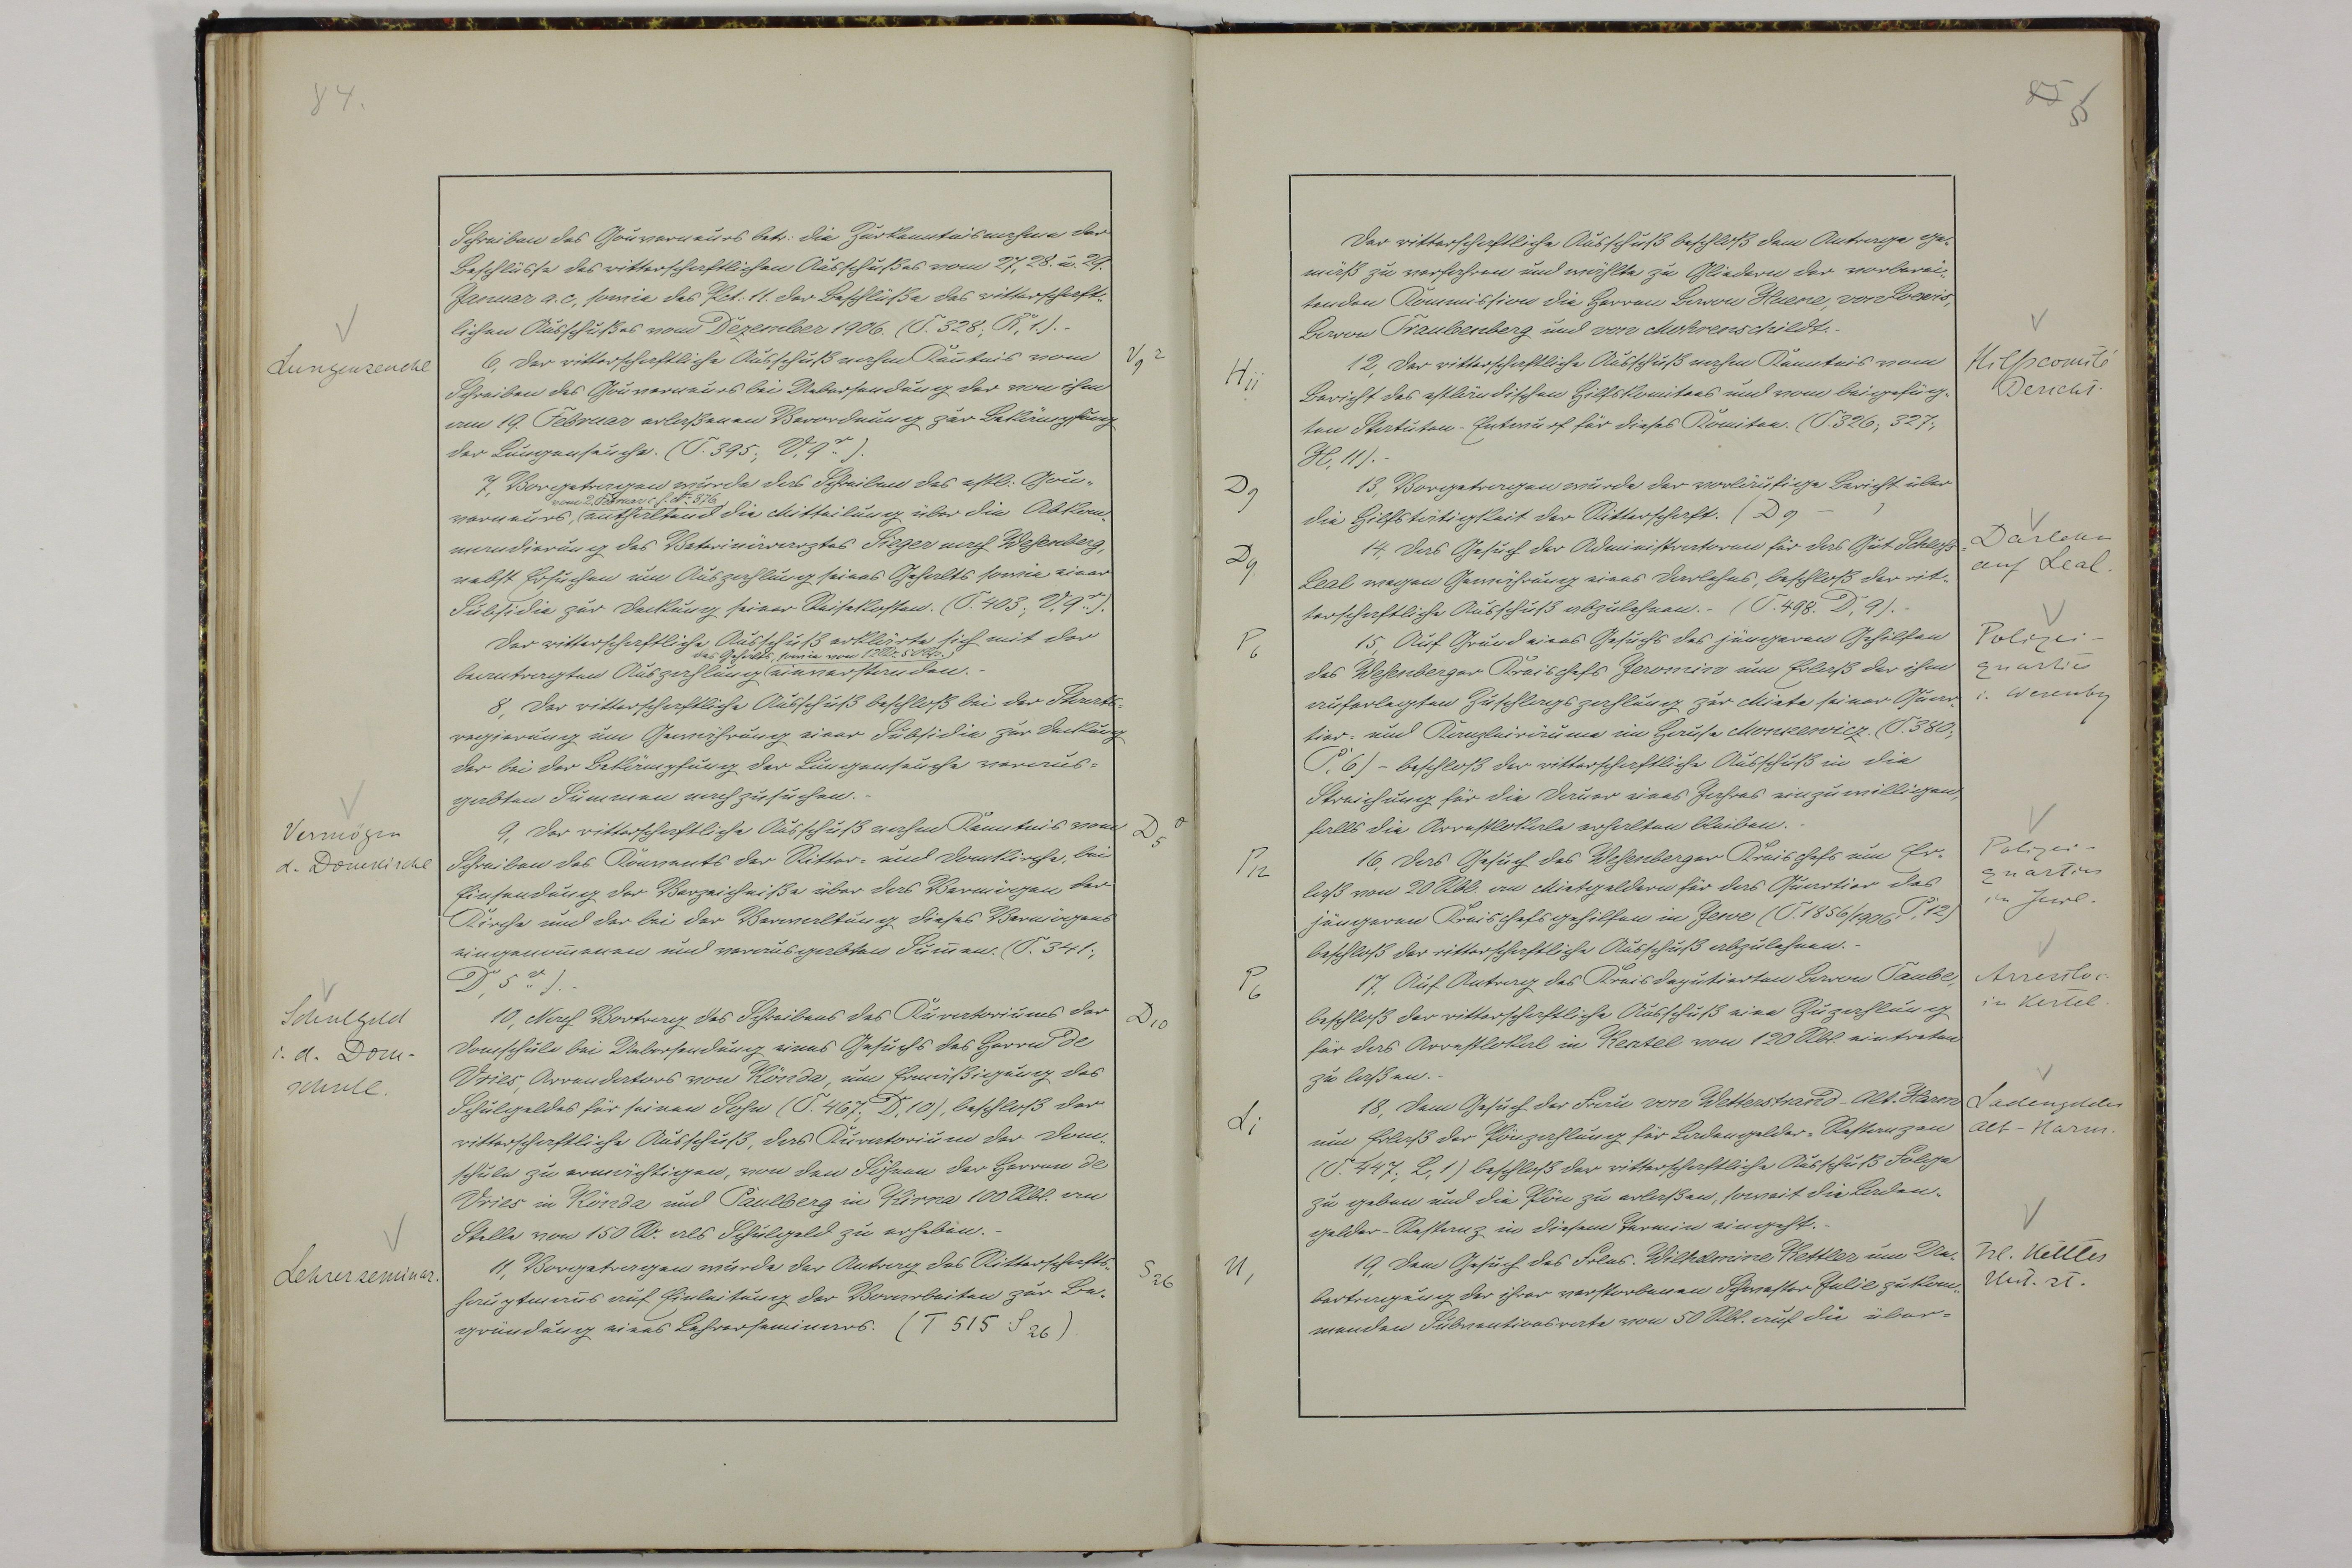Lungenseuche
Vermögen
d. Domkirche
Schulgeld
i. d. Dom
schule
Lehrerseminar
Schreiben des Gouverneurs betr. die Zurkenntnisnahme der
Beschlüsse des ritterschaftlichen Ausschußes vom 27, 28. u. 29.
Januar a.c, sowie des Pct. 11 der Beschlüße des ritterschaft-
lichen Ausschußes vom Dezember 1906. (T.328; R.1).
6. Der ritterschaftliche Ausschuß nahm Kenntnis vom
Schreiben des Gouverneurs bei Uebersendung der von ihm
am 19. Februar erlaßenen Verordnung zur Bekämpfung
der Lungenseuche. (T.395; V.9r).
7. Vorgetragen wurde das Schreiben des estl. Gou-
vom 2. Februar c. s. No.376
verneurs, enthaltend die Mitteilung über die Abkom-
mandierung des Veterinärarztes Sieger nach Wesenberg,
nebst Ersuchen um Auszahlung seines Gehalts sowie einer
Subsidie zur Deckung seiner Reisekosten. (T.403; V.9r).
Der ritterschaftliche Ausschuß erklärte sich mit der
des Gehalts, sowie von 12 Ro. 50 Cop.
beantragten Auszahlung einverstanden.
8. Der ritterschaftliche Ausschuß beschloß bei der Staats-
regierung um Gewährung einer Subsidie zur Deckung
der bei der Bekämpfung der Lungenseuche veraus-
gabten Summen nachzusuchen.
9. Der ritterschaftliche Ausschuß nahm Kenntnis vom
Schreiben des Konvents der Ritter- und Domkirche, bei
Einsendung der Verzeichniße über das Vermögen der
Kirche und der bei der Verwaltung dieses Vermögens
eingenommenen und verausgabten Summen. (T.341;
D.5v).
10. Nach Vortrag des Schreibens des Kuratoriums der
Domschule bei Uebersendung eines Gesuchs des Herrn de
Vries, Arrendators von Könda, um Ermäßigung des
Schulgeldes für seinen Sohn (T.467; D.10), beschloß der
ritterschaftliche Ausschuß, das Kuratorium der Dom-
schule zu ermächtigen, von den Söhnen der Herren de
Vries in Könda und Paulberg in Kirna 100 Rbl. an
Stelle von 150 Ro. als Schulgeld zu erheben.
11. Vorgetragen wurde der Antrag des Ritterschafts-
hauptmanns auf Einleitung der Vorarbeiten zur Be-
gründung eines Lehrerseminars. (T 515 S 26).
Der ritterschaftliche Ausschuß beschloß dem Antrage ge-
mäß zu verfahren und wählte zu Gliedern der vorberei-
tenden Kommission die Herren Baron Huene, von Loewis,
Baron Traubenberg und von Mohrenschildt.
12. Der ritterschaftliche Ausschuß nahm Kenntnis vom
Bericht des estländischen Hilfskomitees und vom beigefüg-
ten Statuten-Entwurf für dieses Komitee. (T.326; 327;
H.11).
13. Vorgetragen wurde der vorläufige Bericht über
die Hilfstätigkeit der Ritterschaft (D.9 - ).
14. Das Gesuch der Administratoren für das Gut Schloss-
Leal wegen Gewährung eines Darlehns, beschloß der rit-
terschaftliche Ausschuß abzulehnen. - (T.498. D.9).
15. Auf Grund eines Gesuchs des jüngeren Gehilfen
des Wesenberger Kreischefs Jeromin um Erlaß der ihm
auferlegten Zuschlagszahlung zur Miete seiner Quar-
tier- und Kanzleiräume im Hause Monkewicz (T.380;
P.6) - beschloß der ritterschaftliche Ausschuß in die
Streichung für die Dauer eines Jahres einzuwilligen,
falls die Arrestlokale erhalten bleiben.
16. Das Gesuch des Wesenberger Kreischefs um Er-
laß von 20 Rbl. an Mietgeldern für das Quartier des
jüngeren Kreischefsgehilfen in Jewe (T.1856/1906, P.12)
beschloß der ritterschaftliche Ausschuß abzulehnen.
17. Auf Antrag des Kreisdeputierten Baron Taube,
beschloß der ritterschaftliche Ausschuß eine Zuzahlung
für das Arrestlokal in Kertel von 120 Rbl. eintreten
zu laßen.
18. Dem Gesuch der Frau von Wetterstrand-Alt-Harm
um Erlaß der Pönzahlung für Ladengelder-Restanzen
(T.447; L.1) beschloß der ritterschaftliche Ausschuß Folge
zu geben und die Pön zu erlaßen, soweit die Laden-
gelder-Restanz in diesem Termin eingeht.
19. Dem Gesuch des Frlns. Wilhelmine Kettler um Ue-
bertragung der ihrer verstorbenen Schwester Julie zukom-
menden Subventionsrate von 50 Rbl. auf die über-
Hilfscomité
Bericht
Darlehn
auf Leal
Polizei
quartier
i. Wesenberg
Polizei.
quartier
in Jewe
Arrestloc.
in Kertel
Ladengelder
Alt-Harm.
Frl. Kettler
Unt.st.